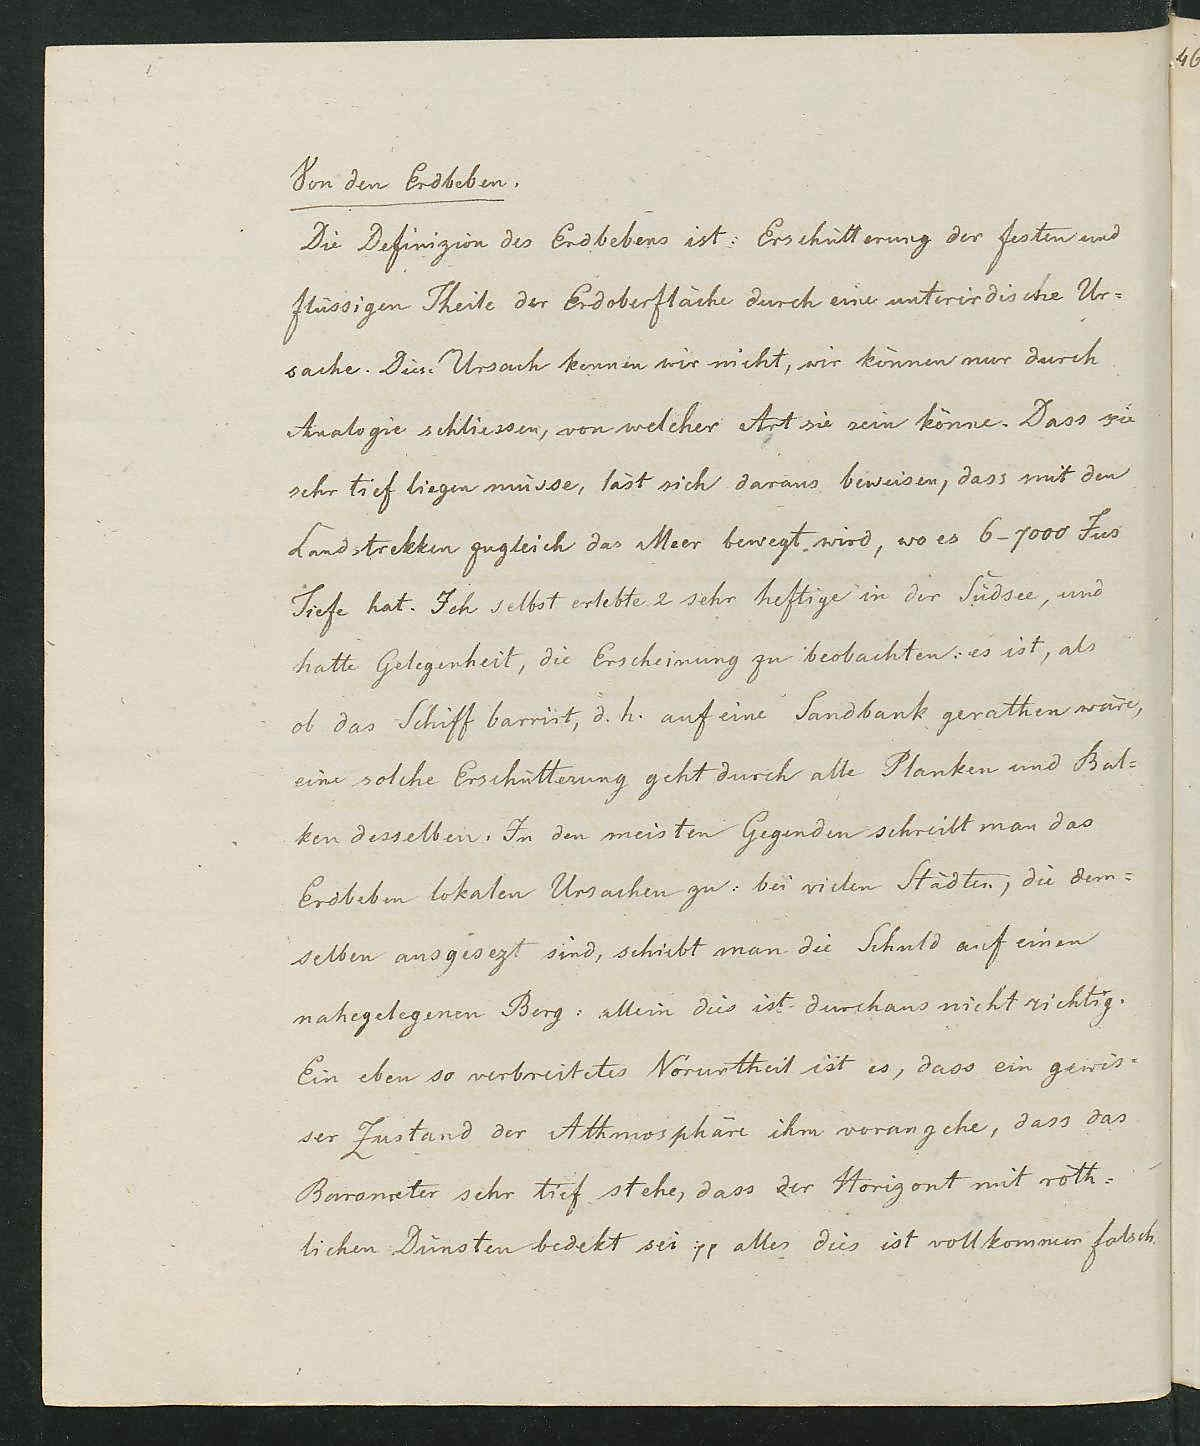Von den Erdbeben.
Die Definizion des Erdbebens ist: Erschütterung der festen und
flüssigen Theile der Erdoberfläche durch eine unterirdische Ur-
sache. Diese Ursach kennen wir nicht, wir können nur durch
Analogie schliessen, von welcher Art sie sein könne. Dass sie
sehr tief liegen müsse, läst sich daraus beweisen, dass mit den
Landstrekken zugleich das Meer bewegt wird, wo es 6–7000 Fus
Tiefe hat. Ich selbst erlebte 2 sehr heftige in der Südsee, und
hatte Gelegenheit, die Erscheinung zu beobachten: es ist, als
ob das Schiff barrirt, d. h. auf eine Sandbank gerathen wäre,
eine solche Erschütterung geht durch alle Planken und Bal-
ken desselben. In den meisten Gegenden schreibt man das
Erdbeben lokalen Ursachen zu: bei vielen Städten, die dem-
selben ausgesezt sind, schiebt man die Schuld auf einen
nahegelegenen Berg: allein dies ist durchaus nicht richtig.
Ein eben so verbreitetes Vorurtheil ist es, dass ein gewis-
ser Zustand der Athmosphäre ihm vorangehe, dass das
Barometer sehr tief stehe, dass der Horizont mit röth-
lichen Dünsten bedekt sei alles dies ist vollkommen falsch.